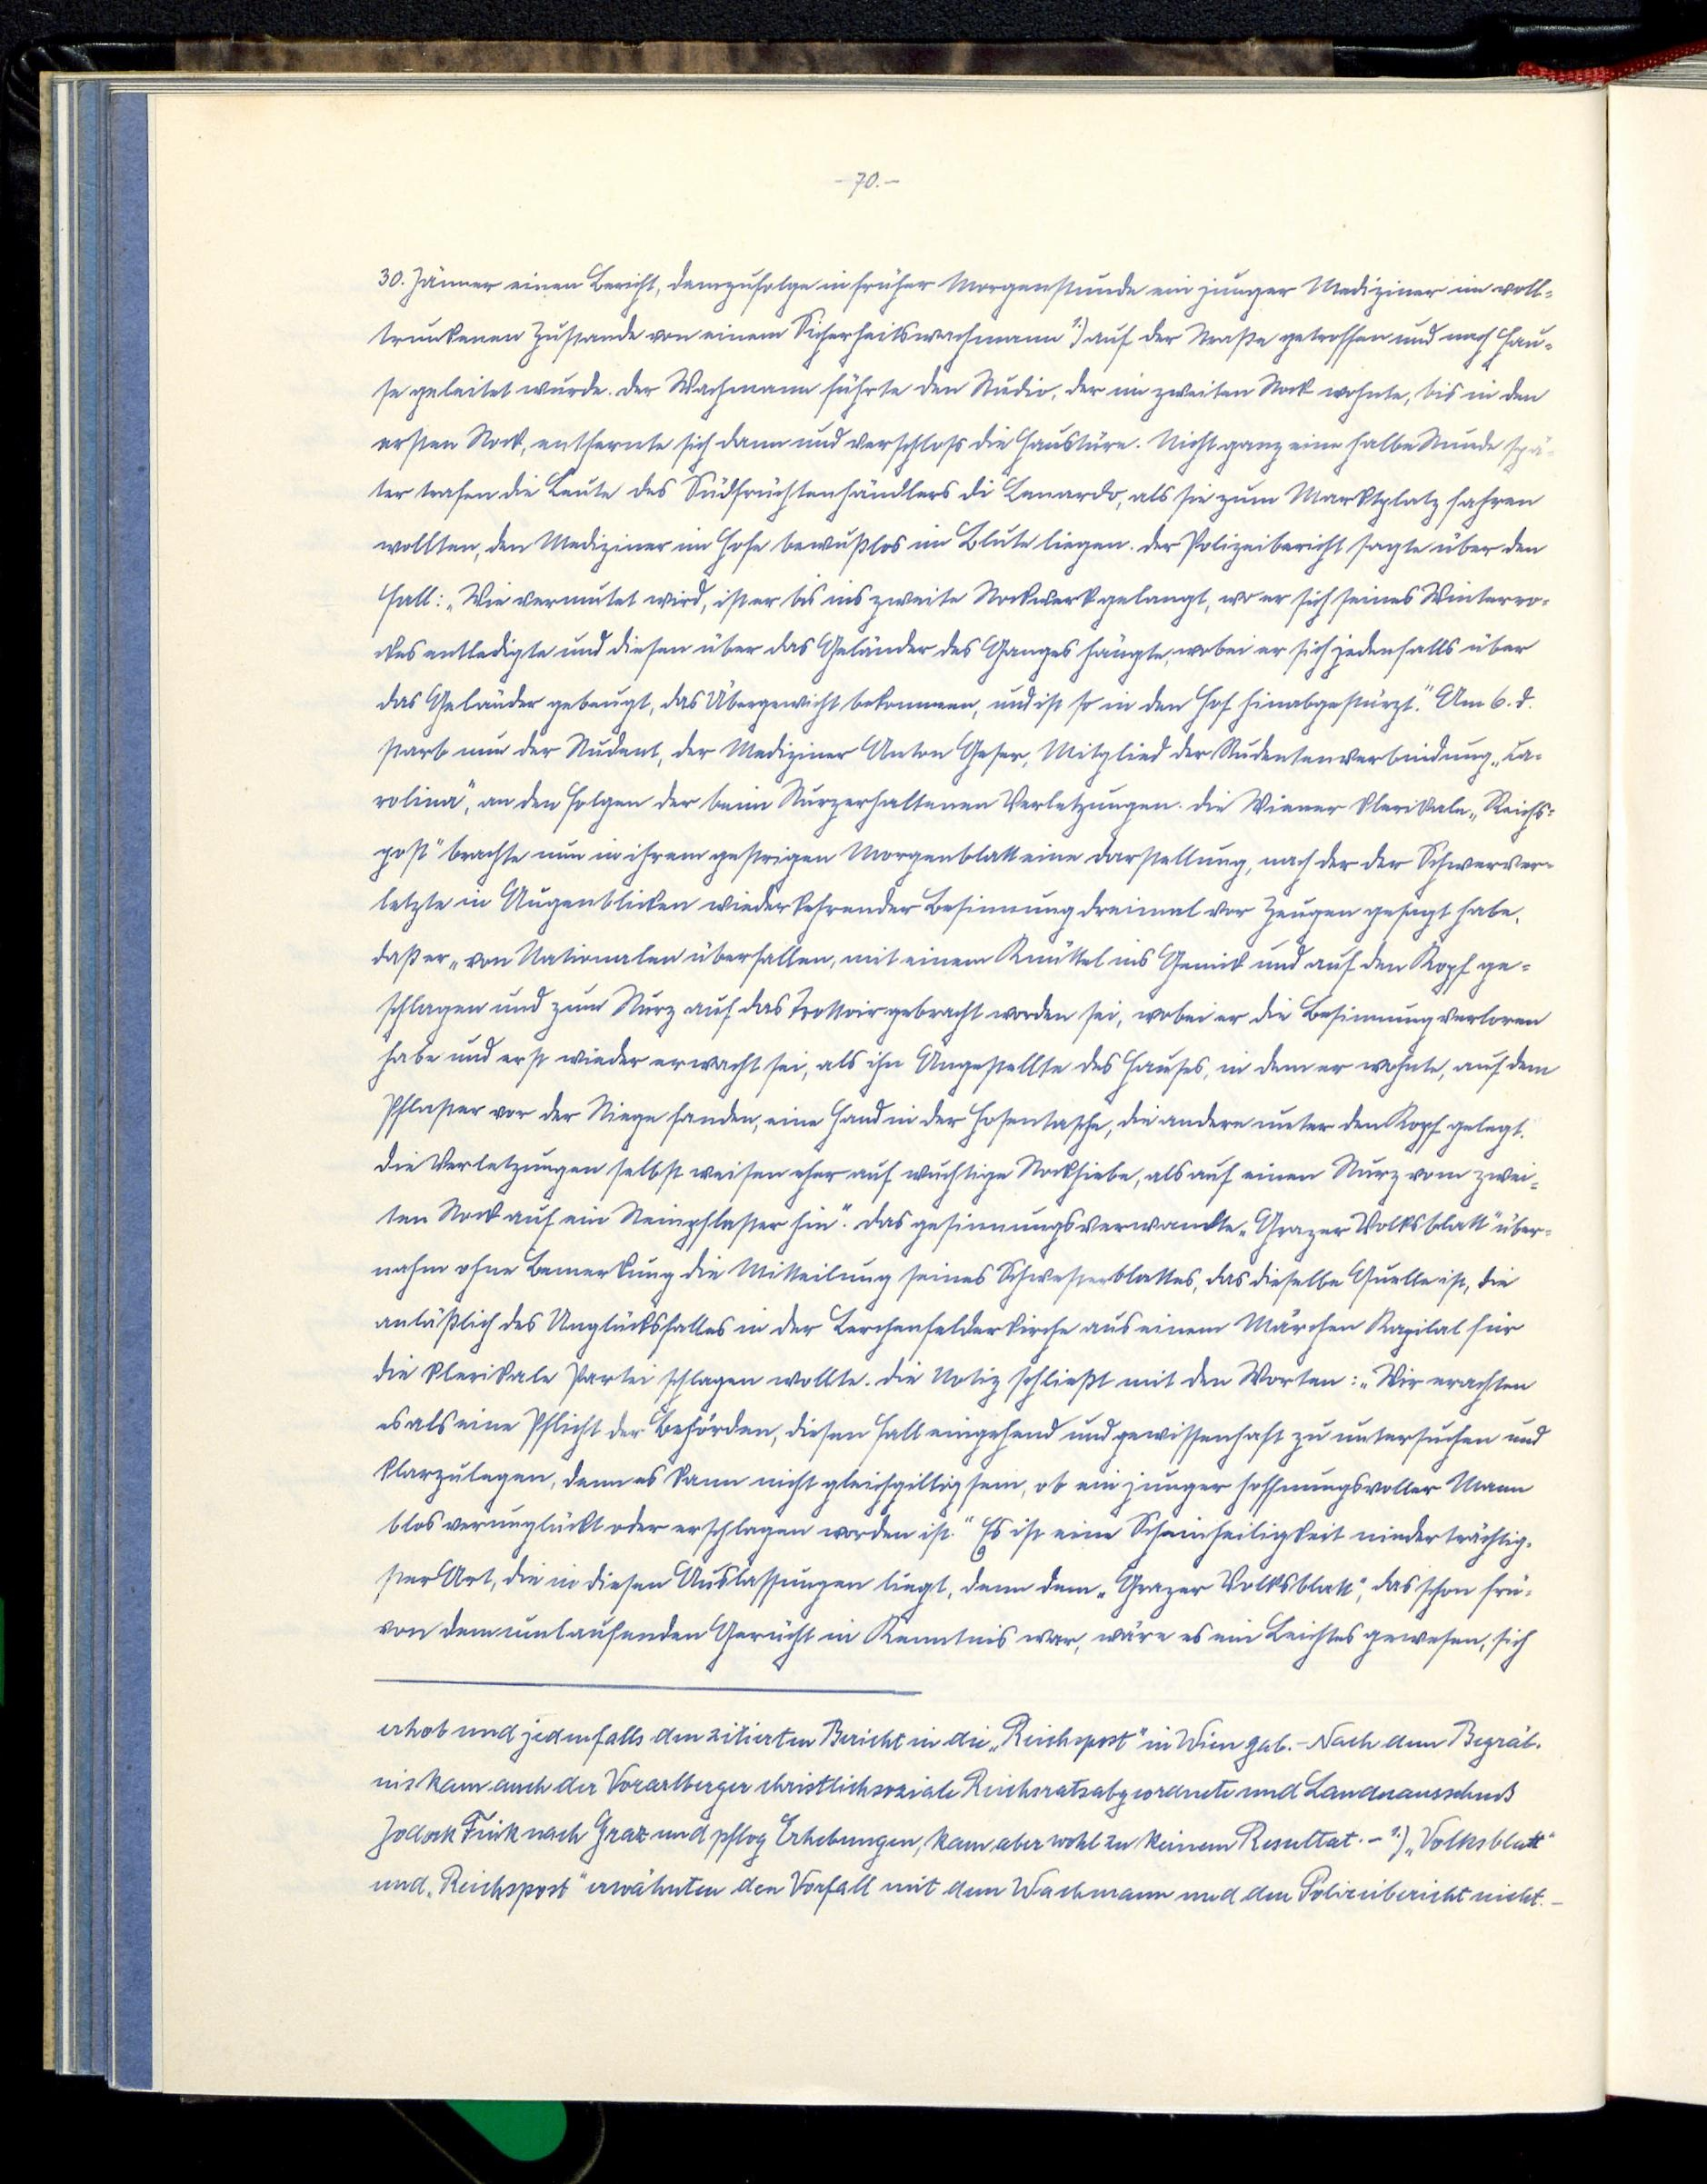70
30. Jänner einen Bericht, demzufolge in früher Morgenstunde ein junger Mediziner im voll-
trunkenen Zustand von einem Sicherheitswachmann 1) auf der Straße getroffen und nach Hau-
se geleitet wurde. Der Wachmann führte den Studio, der im zweiten Stock wohnte, bis in den
ersten Stock, entfernte sich dann und verschloß die Haustür. Nicht ganz eine halbe Stunde spä-
ter trafen die Leute des Südfrüchtenhändlers di Lenardo, als sie zum Marktplatz fahren
wollten, den Mediziner im Hof bewußtlos in Blut liegen. Der Polizeibericht sagte über den
Fall: Wie vermutet wird, ist er bis ins zweite Stockwerk gelangt, wo er sich seines Winterro-
ckes entledigte und diesen über das Geländer des Ganges hängte, wobei er sich jedenfalls über
das Geländer gebeugt, das Übergewicht bekommen und ist so in den Hof hinabstürzt. Am 6. d.
starb nun der Student, der Mediziner Anton Geser, Mitglied der Studentenverbindung „Ca-
rolina“, an den Folgen der beim Sturz erhaltener Verletzungen. Die Wiener klerikale „Reichs-
post“ brachte nun in ihrem gestrigen Morgenblatt eine Darstellung, auf der er Schwerver-
letzte in Augenblicken wiederkehrender Besinnung dreimal vor Zeugen gesagt habe,
dass er „von Nationalen überfallen, mit einem Knüttel ins Genick und auf den Kopf ge-
schlagen und zum Sturz auf das Trottoir gebracht worden sei, wobei er die Besinnung verloren
habe erst wieder erwacht sei, als ihn Angestellte des Hauses, indem er wohnte, auf dem
Pflaster vor der Stiege fanden, eine Hand in der Hosentasche, die andere unter den Kopf gelegt.
Die Verletzungen selbst weisen eher auf wuchtige Stockhiebe, als auf einen Sturz vom zwei-
ten Stock auf ein Steinpflaster hin“. Das gesinnungsverwandte Grazer Volksblatt über-
nahm ohne Bemerkung die Mitteilung seines Schwesterblattes, das dieselbe Quelle ist, die
anläßlich des Unglücksfalles in der Lerchenfelderkirche aus einem Märchen Kapital für
die klerikale Partei schlagen wollte. Die Notiz schließt mit den Worten: „“Wir erachten es
als eine Pflicht der Behörden, diesem Fall eingehend und gewissenhaft zu untersuchen und
klar zulegen, denn es kann nicht gleichgültig sein, ob ein junger hoffnungsvoller Mann
blos verunglückt oder erschlagen worden ist.“ Es ist eine Scheinheiligkeit niederträchtig-
ster Art, die in diesen Auslassungen liegt, den dem „Grazer Volksblatt“ das schon frei
von dem umlaufenden Gerücht in Kenntnis war, wäre es ein Leichtes gewesen, sich
erhob und jedenfalls den zitierten Berichten in die „Reichspost“ in Wien gab. Nach dem Begräb-
nis kam auch der Vorarlberger christlichsoziale Reichstagsabgeordnete und Landesausschuß
Jodo Fink nach Graz und pflog Erhebungen, kam aber wohl zu keinem Resultat- 1) „Volksblatt“
und „Reichspost“ erwähnten den Vorfall mit dem Wachmann den Polizeibericht nicht